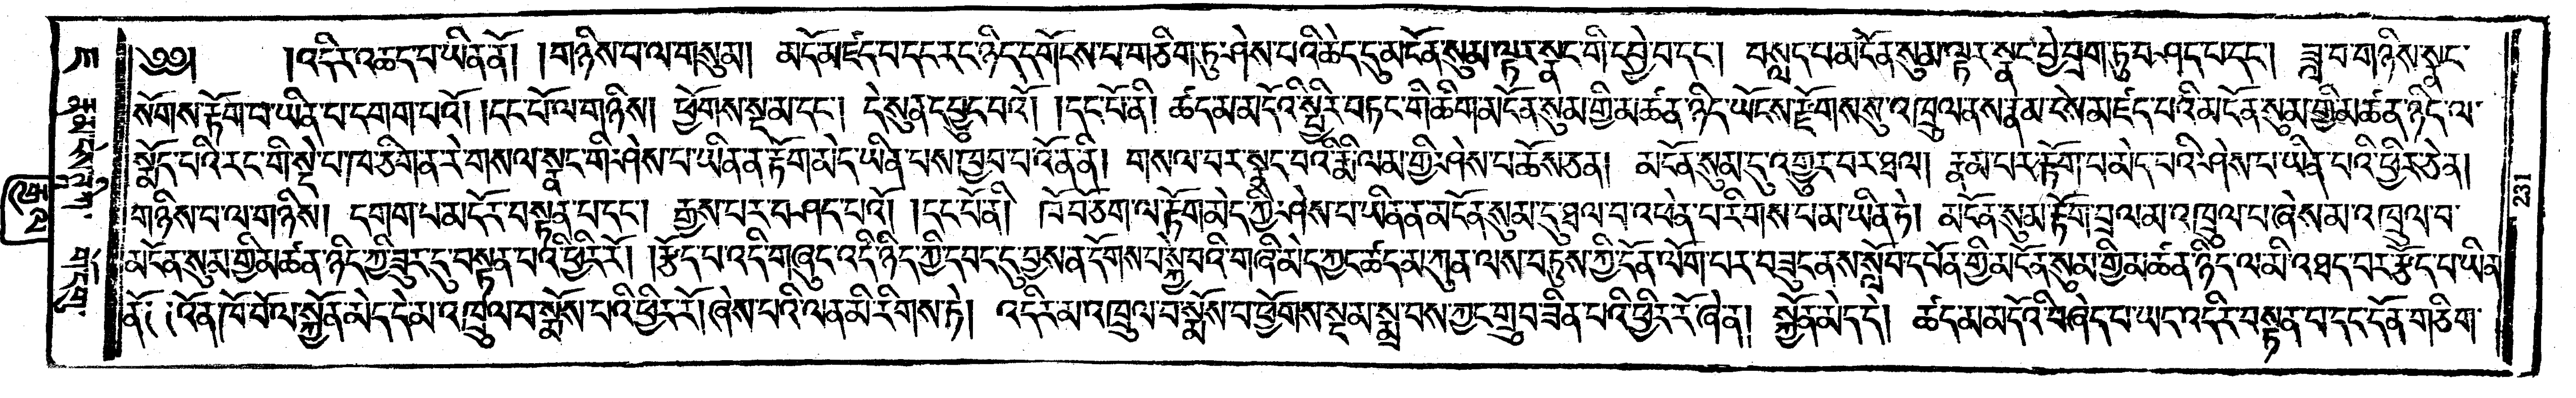༄༅། །འདིར་འཆད་པ་ཡིན་ནོ། །གཉིས་པ་ལ་གསུམ། མདོ་མཛད་པ་དང་རང་ཉིད་དགོངས་པ་གཅིག་ཏུ་ཤེས་པའི་ཆེད་དུ་མངོན་སུམ་ལྟར་སྣང་གི་དབྱེ་བ་དང་། བསླད་པ་མངོན་སུམ་ལྟར་སྣང་བྱེ་བྲག་ཏུ་བཤད་པ་དང་། ཟླ་བ་གཉིས་སྣང་
སོགས་རྟོག་པ་ཡིན་པ་དགག་པའོ། །དང་པོ་ལ་གཉིས། ཕྱོགས་སྔ་མ་དང་། དེ་སུན་དབྱུང་བའོ། །དང་པོ་ནི། ཚད་མ་མདོའི་སྤྱིར་བཏང་གི་ཚིག་མངོན་སུམ་གྱི་མཚན་ཉིད་ཡོངས་རྫོགས་སུ་འཁྲུལ་ནས་རྣམ་ངེས་མཛད་པའི་མངོན་སུམ་གྱི་མཚན་ཉིད་ལ་
སྨོད་པའི་རང་གི་སྡེ་པ་ཁ་ཅིག་ན་རེ་གསལ་སྣང་གི་ཤེས་པ་ཡིན་ན་རྟོག་མེད་ཡིན་པས་ཁྱབ་པ་འོ་ན་ནི། གསལ་བར་སྣང་བའི་རྨི་ལམ་གྱི་ཤེས་པ་ཆོས་ཅན། མངོན་སུམ་དུ་འགྱུར་བར་ཐལ། རྣམ་པར་རྟོག་པ་མེད་པའི་ཤེས་པ་ཡིན་པའི་ཕྱིར་ཅེ་ན།
གཉིས་པ་ལ་གཉིས། དགག་པ་མདོར་བསྟན་པ་དང་། རྒྱས་པར་བཤད་པའོ། །དང་པོ་ནི། ཁོ་བོ་ཅག་ལ་རྟོག་མེད་ཀྱི་ཤེས་པ་ཡིན་ན་མངོན་སུམ་དུ་ཐལ་བ་འཕེན་པ་རིགས་པ་མ་ཡིན་ཏེ། མངོན་སུམ་རྟོག་བྲལ་མ་འཁྲུལ་པ་ཞེས་མ་འཁྲུལ་བ་
མངོན་སུམ་གྱི་མཚན་ཉིད་ཀྱི་ཟུར་དུ་བསྟན་པའི་ཕྱིར་རོ། །རྩོད་པ་འདི་གཞུང་འདི་ཉིད་ཀྱི་དབང་དུ་བྱས་ན་དོགས་པ་སྐྱེ་བའི་གཞི་མེད་ཀྱང་ཚད་མ་ཀུན་ལས་བཏུས་ཀྱི་དོན་ལོག་པར་བཟུང་ནས་སློབ་དཔོན་གྱི་མངོན་སུམ་གྱི་མཚན་ཉིད་ལ་མི་འཐད་པར་རྩོད་པ་ཡིན་
ནོ། །འོ་ན་ཁོ་བོ་ལ་སྐྱོན་མེད་དེ་མ་འཁྲུལ་བ་སྨོས་པའི་ཕྱིར་རོ། །ཞེས་པའི་ལན་མི་རིགས་ཏེ། འདིར་མ་འཁྲུལ་བ་སྨོས་པ་ཕྱོགས་སྔ་མ་སྨྲ་བས་ཀྱང་གྲུབ་ཟིན་པའི་ཕྱིར་རོ་ཞེ་ན། སྐྱོན་མེད་དེ། ཚད་མ་མདོའི་བཞེད་པ་ཡང་འདིར་བསྟན་པ་དང་དོན་གཅིག་